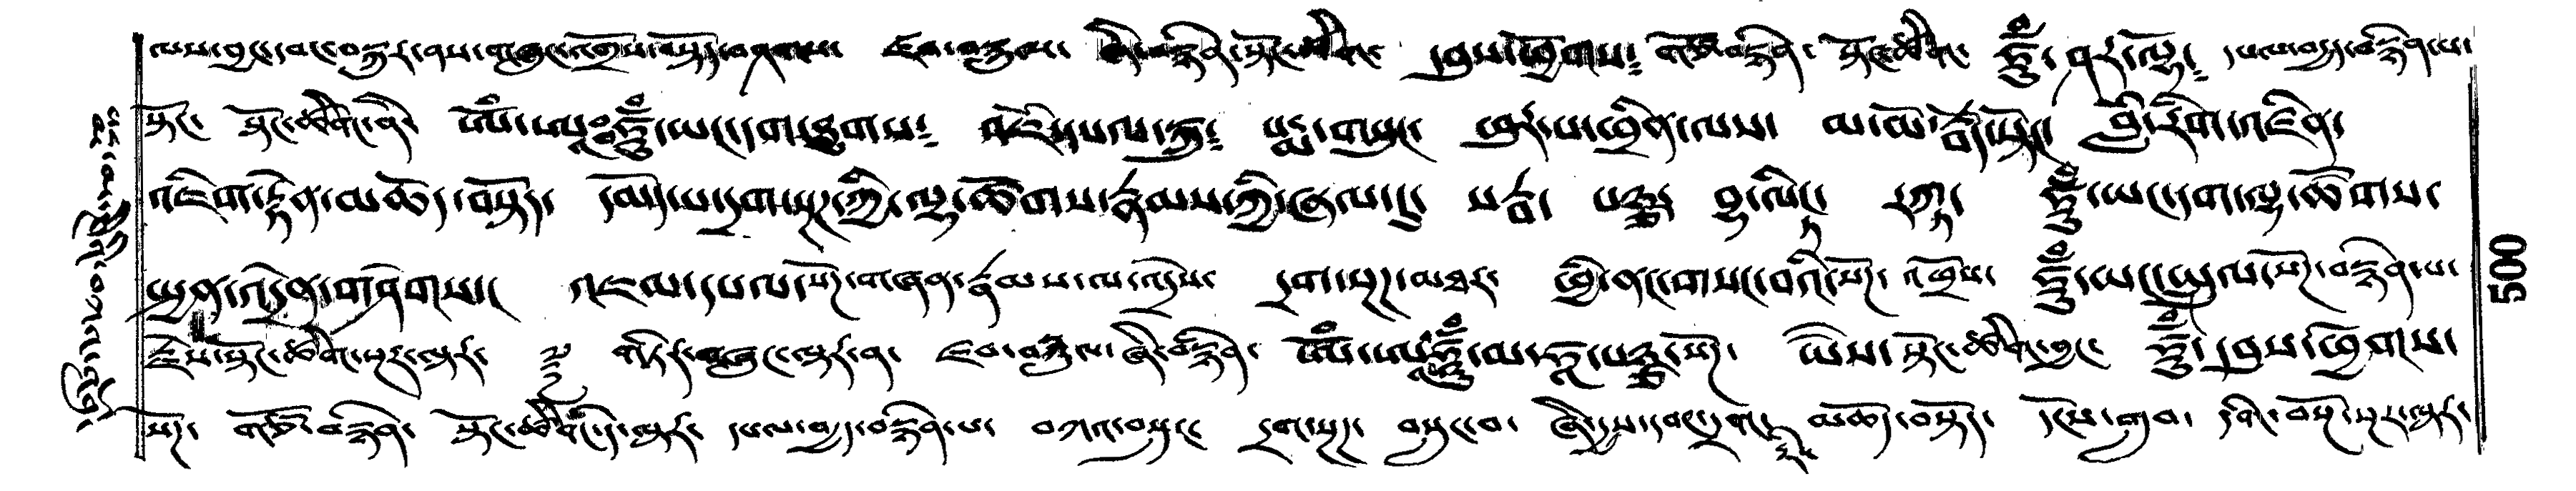ལས་བྱང་དབང་བསྐུར་ནས་གཞུང་འགྲོས་བསྟོད་བཤགས། འཛབ་བསྐུལ། ཞི་བསྙེན་སྟོང་ཚིག དབུས་ཕྱོགས༴ གཙོ་བསྙེན། སྟོང་ཚིག ཧཱུྃ༔ཤར་ལྷོ༴ དཔལ་བརྒྱད་བསྙེན་པ་
སྟོང་། སྟོང་ཚིག་ནི། ཨོཾ་ཨཱཿཧཱུྃ། ཡང་དག་ཐུགས། འཇམ་དཔལ་སྐུ། པདྨ་གསུང་། ཕུར་པ་ཕྲིན་ལས། མ་མོ་རྦོད་གཏོང་། བླ་མ་རིག་འཛིན། 
འཇིག་རྟེན་མཆོད་བསྟོད། དམོད་པ་དྲག་སྔགས་ཀྱི་ལྷ་ཚོགས་རྣམས་ཀྱི་ཞལ་དུ་སརྦ་པཉྩ་བྷ་ལིངྟ་རཀྟ༴ ཧཱུྃ། ཡང་དག་ལྷ་ཚོགས་
སྤྱན་འདྲེན་གཤེགས། །འཇམ་དཔལ༴ སོགས་གཞན་རྣམས་ལ་འགྲེས། དྲག་སྔགས༴ མཐར། ཕྱི་ནང་གསང་བའི༴ སོགས། འཕྲོས། ཧཱུྃ༔ཡང་སྤྲུལ༴ སོགས། བསྙེན་པའི་
རྗེས་སྟོང་ཚིག་སྔར་ལྟར། ༈ གཏེར་གཞུང་ལྟར་ན། འཛབ་བསྐུལ་ཞི་བསྙེན། ཨོཾ་ཨཱཿཧཱུྃ་མ་ཧཱ་པཉྩ༴ སོགས། ཡེ་ཤེས༴ སྟོང་ཚིག་བྱ། ཧཱུྃ༔དབུས་ཕྱོགས༴ 
སོགས། གཙོ་བསྙེན། སྟོང་ཚིག་དེ་ལྟར། དཔལ་བརྒྱད་བསྙེན་པ། བཀའ་བསྲུང་། དྲག་སྔགས། བསྲུང་བ། ཞི་རྒྱས་དབང་དྲག་རྗེས་མཆོད་བསྟོད། དངོས་གྲུབ། དགེ་བསྔོ་སྔར་ལྟར།